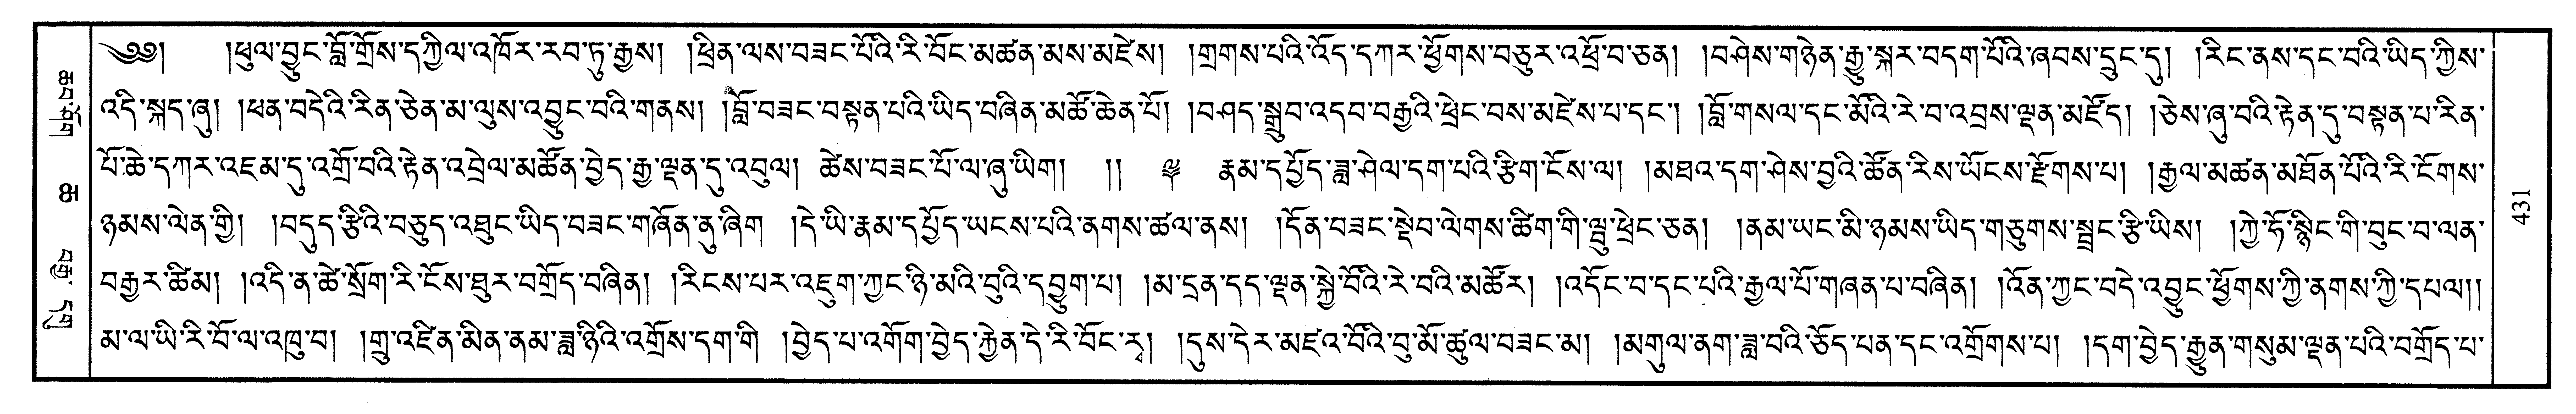༄༅། །ཕུལ་བྱུང་བློ་གྲོས་དཀྱིལ་འཁོར་རབ་ཏུ་རྒྱས། །ཕྲིན་ལས་བཟང་པོའི་རི་བོང་མཚན་མས་མཛེས། །གྲགས་པའི་འོད་དཀར་ཕྱོགས་བཅུར་འཕྲོ་བ་ཅན། །བཤེས་གཉེན་རྒྱུ་སྐར་བདག་པོའི་ཞབས་དྲུང་དུ། །རིང་ནས་དང་བའི་ཡིད་ཀྱིས་
འདི་སྐད་ཞུ། །ཕན་བདེའི་རིན་ཅེན་མ་ལུས་འབྱུང་བའི་གནས། །བློ་བཟང་བསྟན་པའི་ཡིད་བཞིན་མཚོ་ཆེན་པོ། །བཤད་སྒྲུབ་འདབ་བརྒྱའི་ཕྲེང་བས་མཛེས་པ་དང་། །བློ་གསལ་དང་མོའི་རེ་བ་འབྲས་ལྡན་མཛོད། །ཅེས་ཞུ་བའི་རྟེན་དུ་བསྟན་པ་རིན་
པོ་ཆེ་དཀར་འཇམ་དུ་འགྲོ་བའི་རྟེན་འབྲེལ་མཚོན་བྱེད་རྒྱ་ལྡན་དུ་འབུལ། །ཚེས་བཟང་པོ་ལ་ཞུ་ཡིག། །། ༈ རྣམ་དཔྱོད་ཟླ་ཤེལ་དག་པའི་རྩིག་ངོས་ལ། །མཐའ་དག་ཤེས་བྱའི་ཚོན་རིས་ཡོངས་རྫོགས་པ། །རྒྱལ་མཚན་མཐོན་པོའི་རི་ངོགས་
ཉམས་ལེན་གྱི། །བདུད་རྩིའི་བཅུད་འཐུང་ཡིད་བཟང་གཞོན་ནུ་ཞིག །དེ་ཡི་རྣམ་དཔྱོད་ཡངས་པའི་ནགས་ཚལ་ནས། །དོན་བཟང་སྡེབ་ལེགས་ཚིག་གི་ལྦུ་ཕྲེང་ཅན། །ནམ་ཡང་མི་ཉམས་ཡིད་གཅུགས་སྦྲང་རྩི་ཡིས། །ཀྱེ་ཧོ་སྙིང་གི་བུང་བ་ལན་
བརྒྱར་ཚིམ། །འདི་ན་ཚེ་སྲོག་རི་ངོས་ཐུར་བགྲོད་བཞིན། །རིངས་པར་འཇུག་ཀྱང་ཉི་མའི་བུའི་དབྱུག་པ། །མ་དྲན་དད་ལྡན་སྐྱེ་བོའི་རེ་བའི་མཚོར། །འདོང་བ་དང་པའི་རྒྱལ་པོ་གཞན་པ་བཞིན། །འོན་ཀྱང་བདེ་འབྱུང་ཕྱོགས་ཀྱི་ནགས་ཀྱི་དཔལ།།
མ་ལ་ཡི་རི་བོ་ལ་འཁུ་བ། །གྲུ་འཛིན་མིན་ནམ་ཟླ་ཉིའི་འགྲོས་དག་གི །བྱེད་པ་འགོག་བྱེད་རྐྱེན་དེ་རི་བོང་རྭ། །དུས་དེར་མཛའ་བོའི་བུ་མོ་ཚུལ་བཟང་མ། །མགུལ་ནག་ཟླ་བའི་ཅོད་པན་དང་འགྲོགས་པ། །དག་བྱེད་རྒྱུན་གསུམ་ལྡན་པའི་བགྲོད་པ་